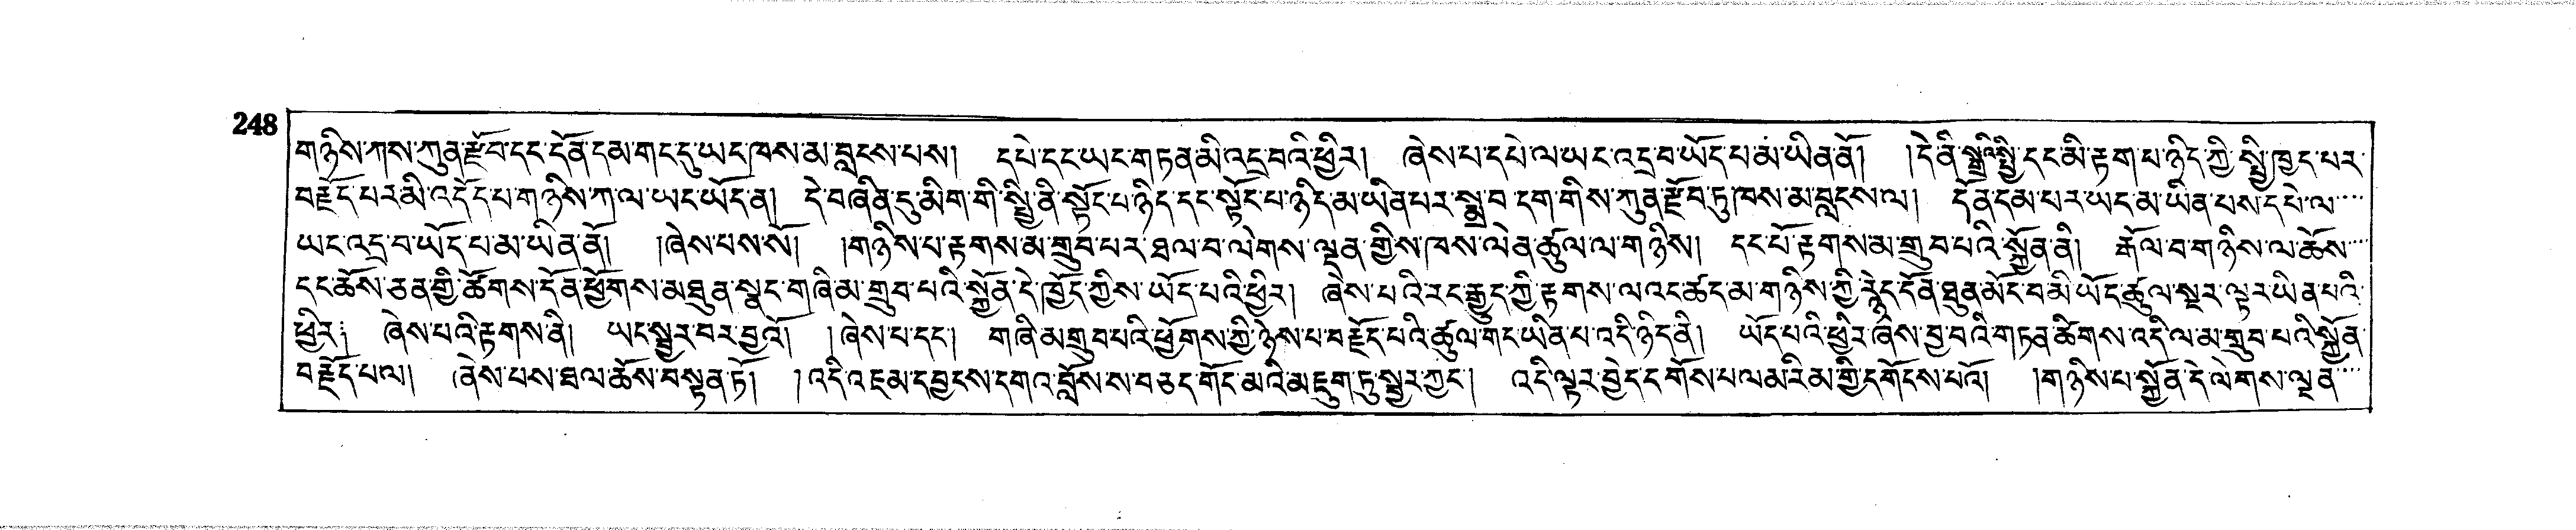གཉིས་ཀས་ཀུན་རྫོབ་དང་དོན་དམ་གང་དུ་ཡང་ཁས་མ་བླངས་པས། དཔེ་དང་ཡང་གཏན་མི་འདྲ་བའི་ཕྱིར། ཞེས་པ་དཔེ་ལ་ཡང་འདྲ་བ་ཡོད་པ་མ་ཡིན་ནོ། །དེ་ནི་སྒྲའི་སྤྱི་དང་མི་རྟག་པ་ཉིད་ཀྱི་སྤྱི་ཁྱད་པར་
བརྗོད་པར་མི་འདོད་པ་གཉིས་ཀ་ལ་ཡང་ཡོད་ན། དེ་བཞིན་དུ་མིག་གི་སྤྱི་ནི་སྟོང་པ་ཉིད་དང་སྟོང་པ་ཉིད་མ་ཡིན་པར་སྨྲ་བ་དག་གིས་ཀུན་རྫོབ་ཏུ་ཁས་མ་བླངས་ལ། དོན་དམ་པར་ཡང་མ་ཡིན་པས་དཔེ་ལ་
ཡང་འདྲ་བ་ཡོད་པ་མ་ཡིན་ནོ། །ཞེས་པས་སོ། །གཉིས་པ་རྟགས་མ་གྲུབ་པར་ཐལ་བ་ལེགས་ལྡན་གྱིས་ཁས་ལེན་ཚུལ་ལ་གཉིས། དང་པོ་རྟགས་མ་གྲུབ་པའི་སྐྱོན་ནི། རྒོལ་བ་གཉིས་ལ་ཆོས་
དང་ཆོས་ཅན་གྱི་ཚོགས་དོན་ཕྱོགས་མཐུན་སྣང་གཞི་མ་གྲུབ་པའི་སྐྱོན་དེ་ཁྱོད་ཀྱིས་ཡོད་པའི་ཕྱིར། ཞེས་པའི་རང་རྒྱུད་ཀྱི་རྟགས་ལའང་ཚད་མ་གཉིས་ཀྱི་རྙེད་དོན་ཐུན་མོང་བ་མི་ཡོད་ཚུལ་སྔར་ལྟར་ཡིན་པའི་
ཕྱིར། ཞེས་པའི་རྟགས་ནི། ཡང་སྦྱར་བར་བྱའོ། །ཞེས་པ་དང་། གཞི་མ་གྲུབ་པའི་ཕྱོགས་ཀྱི་ཉེས་པ་བརྗོད་པའི་ཚུལ་གང་ཡིན་པ་འདི་ཉིད་ནི། ཡོད་པའི་ཕྱིར་ཞེས་བྱ་བའི་གཏན་ཚིགས་འདི་ལ་མ་གྲུབ་པའི་སྐྱོན་
བརྗོད་པ་ལ། ཞེས་པས་ཐལ་ཆོས་བསྟན་ཏོ། །འདི་འཇམ་དབྱངས་དགའ་བློས་ས་བཅད་གོང་མའི་མཇུག་ཏུ་སྦྱར་ཀྱང་། འདི་ལྟར་བྱེད་དགོས་པ་ལམ་རིམ་གྱི་དགོངས་པའོ། །གཉིས་པ་སྐྱོན་དེ་ལེགས་ལྡན་